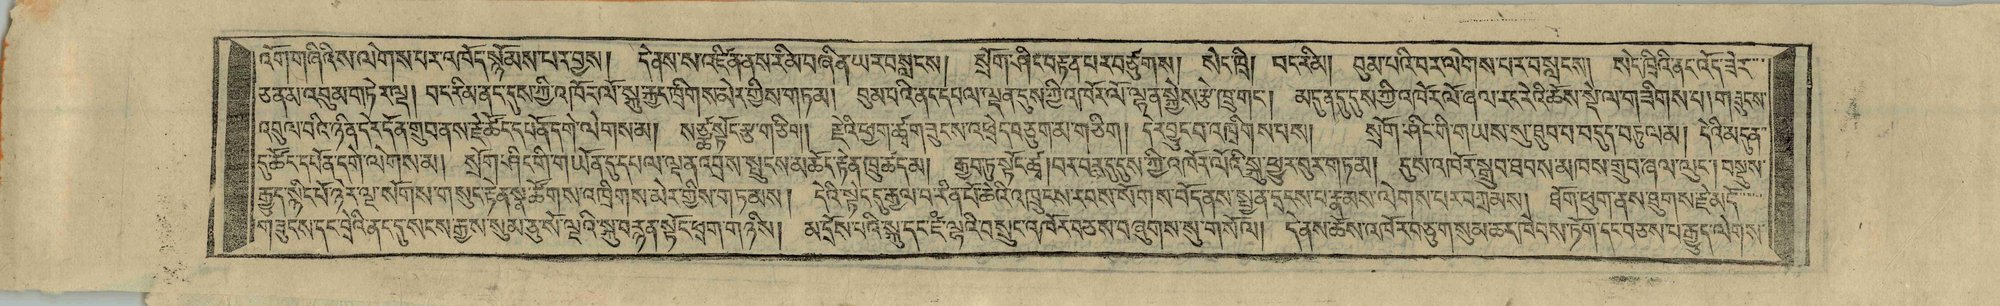འོག་གཞིའི་ས་ལེགས་པར་འཁོད་སྙོམས་པར་བྱས། དེ་ནས་ས་འཛིན་ནས་རིམ་བཞིན་ཡར་བསླངས། སྲོག་ཤིང་བརྟན་པར་བཙུགས། སེང་ཁྲི། བང་རིམ། བུམ་པའི་བར་ལེགས་པར་བསླངས། སེང་ཁྲིའི་ནང་འོད་ཟེར་
ཅན་མ་འབུམ་གཏེར་ལྔ། བང་རིམ་ནང་དུས་ཀྱི་འཁོར་ལོ་སྐུ་རྐྱང་ཁྲིགས་མེར་གྱིས་གཏམ། བུམ་པའི་ནང་དཔལ་ལྡན་དུས་ཀྱི་འཁོར་ལོ་ལྷན་སྐྱེས་རྩེ་ཁྲུ་གང་། མདུན་དུ་དུས་ཀྱི་འཁོར་ལོ་ཞལ་རང་རེའི་ཆོས་སྡེ་ལ་གཟིགས་པ། གཟུངས་
འབུལ་བའི་ཉིན་དེར་དོན་གྲུབ་ནས་རྗེ་ཚོང་དཔོན་དགེ་ལེགས་མ། ས་ཙྪ་སྟོང་རྩ་གཅིག །རྗེའི་ཕྱག་ཚྭ་གཟུངས་འཕྲེད་བཅུག་མ་གཅིག །དེར་བྱུང་བ་འཁྲིགས་པས། སྲོག་ཤིང་གི་གཡས་སུ་ཐུབ་པ་བདུད་བཏུལ་མ། དེའི་མདུན་
དུ་ཚོང་དཔོན་དགེ་ལེགས་མ། སྲོག་ཤིང་གི་གཡོན་དུ་དཔལ་ལྡན་འབྲས་སྤུངས་མཆོད་རྟེན་ཁྲུ་ཚད་མ། རྒྱབ་ཏུ་སྟོང་ཚྭ། བར་བར་དུ་དུས་ཀྱི་འཁོར་ལོའི་སྐུ་ཕྱུར་བུར་གཏམ། དུས་འཁོར་སྒྲུབ་ཐབས་མཁས་གྲུབ་ཞལ་ལུང་། བསྡུས་
རྒྱུད་སྙིང་པོ་ཉེར་ལྔ་སོགས་གསུང་རྟེན་སྣ་ཚོགས་འཁྲིགས་མེར་གྱིས་གཏམས། དེའི་སྟེང་དུ་རྒྱལ་བ་རིན་པོ་ཆེའི་འཁྲུངས་རབས་སོགས་བོད་ནས་སྤྱན་དྲངས་བ་རྣམས་ལེགས་པར་བཀྲམས། ཐོག་ཕུག་ནས་ཐུགས་རྗེ་མདོ་
གཟུངས་དང་བྲེའི་ནང་དུ་སངས་རྒྱས་སུམ་ཅུ་སོ་ལྔའི་སྐུ་བརྙན་སྟོང་ཕྲག་གཉིས། མ་དྲོས་པའི་སྐུ་དང་ཛཾ་ལྷའི་བསྲུང་འཁོར་བཅས་བཞུགས་སུ་གསོལ། དེ་ནས་ཆོས་འཁོར་བཅུ་གསུམ་ཆར་ཁེབས་ཏོག་དང་བཅས་པ་རྒྱུད་ལེགས་